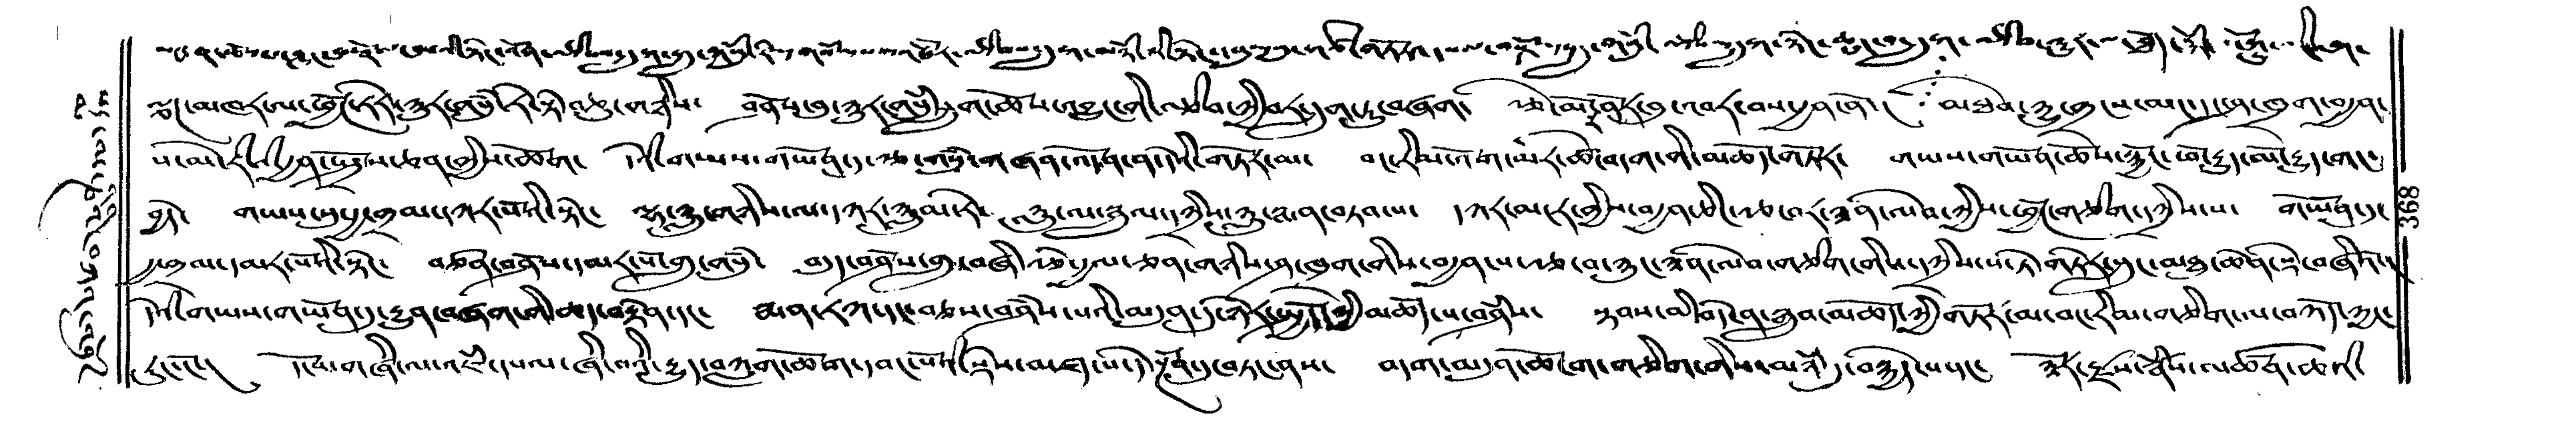ལྕགས་མཁར་ལ་ཕྱོགས་རེར་ཟུར་གསུམ་རེ་སྟེ་བཅུ་གཉིས། བཤོས་བུ་ཟུར་གསུམ་དྲུག་ཆོས་འབྱུང་གི་རྩིབས་ཀྱི་བར་དྲུག་ཏུ་གཞག རྩེ་མོར་ནོར་བུ་འབར་བས་རྒྱན་ནོ། མཐེབ་སྐྱུ་གྲངས་མང་ཤ་ཁྲག་གིས་བརྒྱན་
པ་མེ་རིའི་རྒྱན་སྤྲོས་ཅན་གྱིས་ཆོག དེའི་གཡས་གཡོན་དུ་རྩ་གསུམ་གཞན་འདོན་ན་དེའི་གཏོར་མ། བང་རིམ་འོག་མར་ཚེ་བདག་གི་མཆོད་གཏོར། གཡས་གཡོན་ཆོས་སྐྱོང་ཕོ་རྒྱུད་མོ་རྒྱུད་གང་
བྱེད། གཡས་སུ་རྒྱ་གྲམ་དཀར་པོའི་སྟེང་། ལྷ་ཀླུ་གཉིས་ལ་དཀར་ཟླུམ་རེ། ཀླུ་ལ་སྦྲུལ་དཀྲིས་ཀླུ་སྨན་བཏབ་པ། དཀར་མངར་གྱིས་བརྒྱན་ཅིང་རྩ་བར་ཟན་ལེབ་ཀྱིས་ཕྱོགས་གཅིག་དཀྲིས་པ། གཡོན་དུ་
རྒྱ་གྲམ་དམར་པོའི་སྟེང་། བཙན་བཤོས་དམར་པོ་གྲུ་གསུམ། བདུད་བཤོས་གྲུ་བཞི་རྩི་རྒྱལ་ཅན་གཉིས་ཤ་ཁྲག་གིས་བརྒྱན་པ་རྩ་བ་ཟུང་ཟན་ལེབ་གཅིག་གིས་དཀྲིས་པ་སྟེ་གཏེར་སྲུང་མཐུ་ཆེན་སྡེ་བཞིའོ། 
དེའི་གཡས་གཡོན་དུ་རྒྱུན་བཞག་གི་ཆད་བརྟན་དང་། སྨན་རཀ་བཅས་བཤམས་པའི་མདུན་དུ་ཉེར་སྤྱོད་ཀྱི་མཆོད་པ་བཤམས། སྟབས་མི་བདེ་ན་སྒྲུབ་མཆོད་ཀྱི་གཏོར་མ་བང་རིམ་གཅིག་ལ་བཀོད་ཀྱང་
རུང་ངོ། དངོས་གཞི་ལ་འཇམ་དཔལ་ཞི་བའི་རྒྱུད་བཀླག་ཆོག་དབང་པོའི་སྡེས་མཛད་པ་དེ་སྔོན་དུ་བཏང་ནས། བདག་མདུན་ཆོ་ག་གཅིག་གིས་མཉམ་དུ་བསྐྱེད་པ་དང་། ཟོར་རྫས་རྣམས་མཚོན་ཆའི་